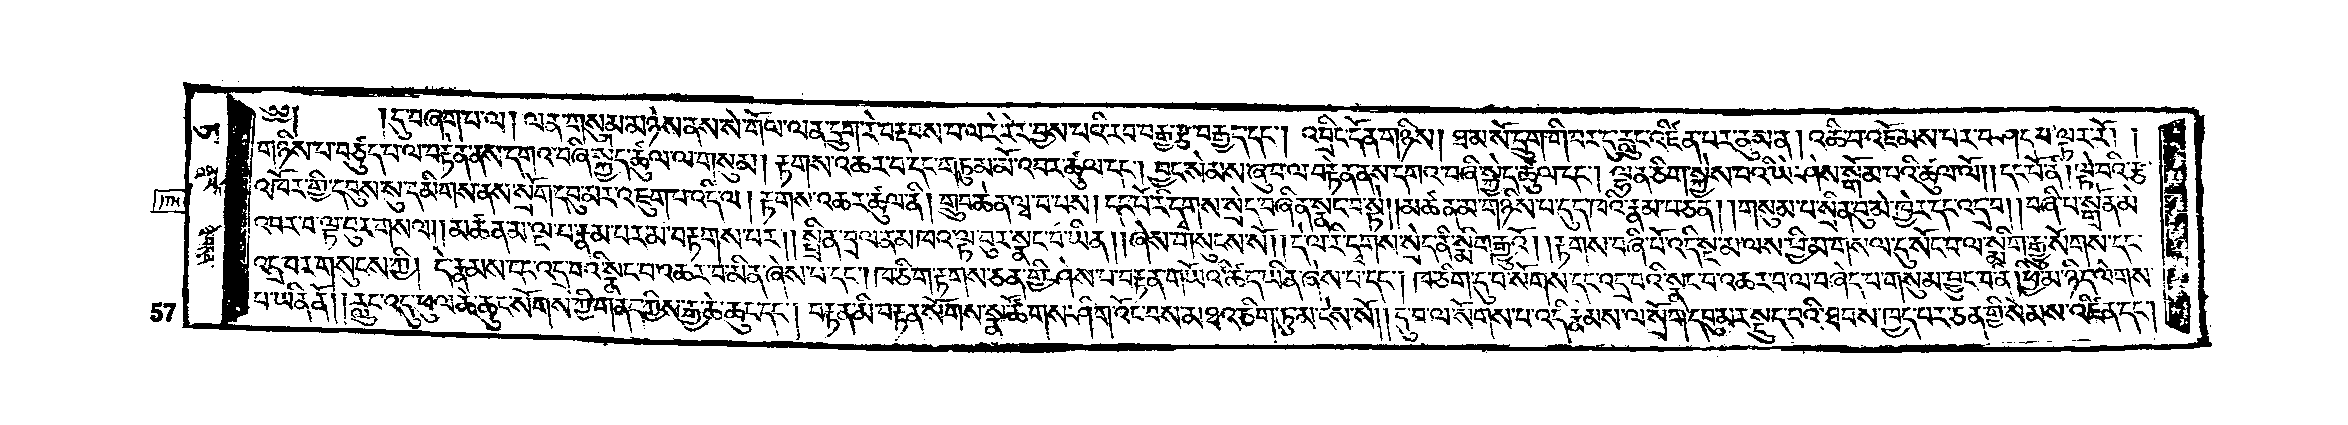༄༅། །དུ་བཞག་པ་ལ། ལན་གསུམ་ཉེས་ནས་སེ་གོལ་ལན་དྲུག་རེ་བརྡབས་པ་ལ་རེ་རེར་བྱས་པའི་རབ་བརྒྱ་རྩ་བརྒྱད་དང་། འབྲིང་དོན་གཉིས། ཐ་མ་སོ་དྲུག་གི་བར་དུ་རླུང་འཛིན་པར་ནུས་ན། འཆི་བ་འཇོམས་པར་བཤད་པ་ལྟར་རོ། །
གཉིས་པ་བཙུད་པ་ལ་བརྟེན་ནས་དགའ་བཞི་སྐྱེད་ཚུལ་ལ་གསུམ། རྟགས་འཆར་བ་དང་གཏུམ་མོ་འབར་ཚུལ་དང་། བྱང་སེམས་ཞུ་བ་ལ་བརྟེན་ནས་དགའ་བཞི་སྐྱེད་ཚུལ་དང་། ལྷན་ཅིག་སྐྱེས་པའི་ཡེ་ཤེས་སྒོམ་པའི་ཚུལ་ལོ། །དང་པོ་ནི། ལྟེ་བའི་རྩ་
འཁོར་གྱི་དབུས་སུ་དམིགས་ནས་སྲོག་དབུ་མར་འཇུག་པ་འདི་ལ། རྟགས་འཆར་ཚུལ་ནི། གྲུབ་ཆེན་ལྭ་བ་པས། དང་པོ་རི་དྭགས་སྲེད་བཞིན་སྣང་བ་སྟེ། །མཚན་མ་གཉིས་པ་དུད་ཁའི་རྣམ་པ་ཅན། །གསུམ་པ་སྲིན་བུ་མེ་ཁྱེར་དང་འདྲ་བ། །བཞི་པ་སྒྲོན་མེ་
འབར་བ་ལྟ་བུར་གསལ། །མཚན་མ་ལྔ་པ་རྣམ་པར་མ་བརྟགས་པར། །སྤྲིན་བྲལ་ནམ་མཁའ་ལྟ་བུར་སྣང་བ་ཡིན། །ཞེས་གསུངས་སོ། །དེ་ལ་རི་དྭགས་སྲེད་ནི་སྨིག་རྒྱུའོ། །རྟགས་བཞི་པོ་འདི་སྔ་མ་ལས་ཕྱི་མ་གསལ་དུ་སོང་བ་ལ་སྨིག་རྒྱུ་སོགས་དང་
འདྲ་བར་གསུངས་ཀྱི། དེ་རྣམས་དང་འདྲ་བའི་སྣང་བ་འཆར་བ་མིན་ཞེས་པ་དང་། ཁ་ཅིག་རྟགས་ཅན་གྱི་ཤེས་པ་བརྟན་གཡོའི་ཚད་ཡིན་ཞེས་པ་དང་། ཁ་ཅིག་དུ་བ་སོགས་དང་འདྲ་བའི་སྣང་བ་འཆར་བ་ལ་བཞེད་པ་གསུམ་བྱུང་བ་ནི། ཕྱི་མ་ཉིད་ལེགས་
པ་ཡིན་ནོ། །རླུང་འདུ་ཕུལ་ཆེ་ཆུང་སོགས་ཀྱི་གནད་ཀྱིས་རྒྱ་ཆེ་ཆུང་དང་། བརྟན་མི་བརྟན་སོགས་སྣ་ཚོགས་ཤིག་འོང་བས་མཐའ་ཅིག་ཏུ་མ་ངེས་སོ། །དུ་བ་ལ་སོགས་པ་འདི་རྣམས་ལ་སྲོག་དབུ་མར་སྡུད་པའི་ཐབས་ཁྱད་པར་ཅན་གྱི་སེམས་འཛིན་དང་།